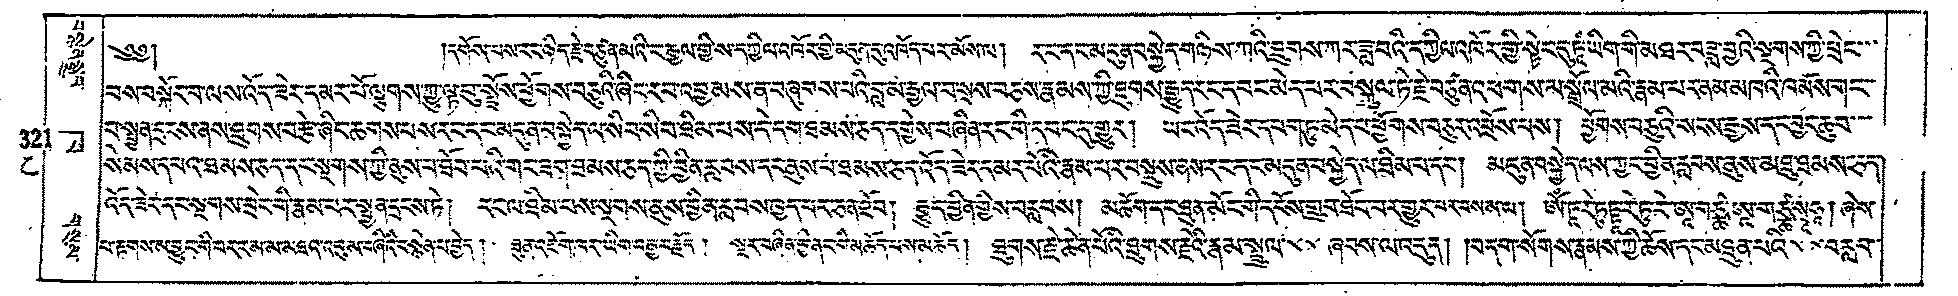༄༅། །དགོས་པས་རང་ཉིད་རྗེ་བཙུན་མའི་ང་རྒྱལ་གྱིས་དཀྱིལ་འཁོར་གྱི་མདུན་དུ་འཁོད་པར་མོས་ལ། རང་དང་མདུན་བསྐྱེད་གཉིས་ཀའི་ཐུགས་ཀར་ཟླ་བའི་དཀྱིལ་འཁོར་གྱི་སྟེང་དུ་ཏཱཾ་ཡིག་གི་མཐར་བཟླ་བྱའི་སྔགས་ཀྱི་ཕྲེང་་་
བས་བསྐོར་བ་ལས་འོད་ཟེར་དམར་པོ་ལྕགས་ཀྱུ་ལྟ་བུ་སྤྲོས་ཕྱོགས་བཅུའི་ཞིང་རབ་འབྱམས་ན་བཞུགས་པའི་བླ་མ་རྒྱལ་བ་སྲས་བཅས་རྣམས་ཀྱི་ཐུགས་རྒྱུད་རང་དབང་མེད་པར་བསྐུལ་ཏེ་རྗེ་བཙུན་འཕགས་མ་སྒྲོལ་མའི་རྣམ་པར་ནམ་མཁའི་ཁམས་གང་་་
བ་སྤྱན་དྲངས་ནས་ཐུགས་བརྩེ་ཞིང་ཆགས་པས་རང་དང་མདུན་བསྐྱེད་ལ་སིབ་སིབ་ཐིམ་པས་དེ་དག་ཐམས་ཅད་དགྱེས་བཞིན་རང་གི་དབང་དུ་གྱུར། ཡང་འོད་ཟེར་དཔག་ཏུ་མེད་པ་ཕྱོགས་བཅུར་འཕྲོས་པས། ཕྱོགས་བཅུའི་སངས་རྒྱས་དང་བྱང་ཆུབ་་་
སེམས་དཔའ་ཐམས་ཅད་དང་སྔགས་ཀྱི་ནུས་པ་ཐོབ་པའི་གང་ཟག་ཐམས་ཅད་ཀྱི་བྱིན་རླབས་དང་ནུས་པ་ཐམས་ཅད་འོད་ཟེར་དམར་པོའི་རྣམ་པར་བསྡུས་ནས་རང་དང་མདུན་བསྐྱེད་ལ་ཐིམ་པ་དང་། མདུན་བསྐྱེད་ལས་ཀྱང་བྱིན་རླབས་ནུས་མཐུ་ཐམས་ཅད་
འོད་ཟེར་དང་སྔགས་ཕྲེང་གི་རྣམ་པར་སྤྱན་དྲངས་ཏེ། རང་ལ་ཐིམ་པས་སྔགས་ནུས་བྱིན་རླབས་ཁྱད་པར་ཅན་ཐོབ། རྒྱུད་བྱིན་གྱིས་བརླབས། མཆོག་དང་ཐུན་མོང་གི་དངོས་གྲུབ་ཐོབ་པར་གྱུར་པར་བསམ་ལ།  ཨོཾ་ཏཱ་རེ་ཏུཏྟཱ་རེ་ཨཱ་གཙྪ་ཨཱ་གཙྪ་སྭཱཧཱ། ཞེས་
པ་རྟགས་མ་བྱུང་གི་བར་རམ་མ་མཐའ་འབུམ་བཞིའི་བསྙེན་པ་བྱེད། ཐུན་འཇོག་ཁར་ཡིག་བརྒྱ་བརྗོད། སྔར་བཞིན་ཕྱི་ནང་གི་མཆོད་པས་མཆོད། ཐུགས་རྗེ་ཆེན་པོའི་ཐུགས་རྗེའི་རྣམ་སྤྲུལ་྾྾་ཞབས་ལ་འདུད། །བདག་སོགས་རྣམས་ཀྱི་ཆོས་དང་མཐུན་པའི་྾྾་བརླབ་་་